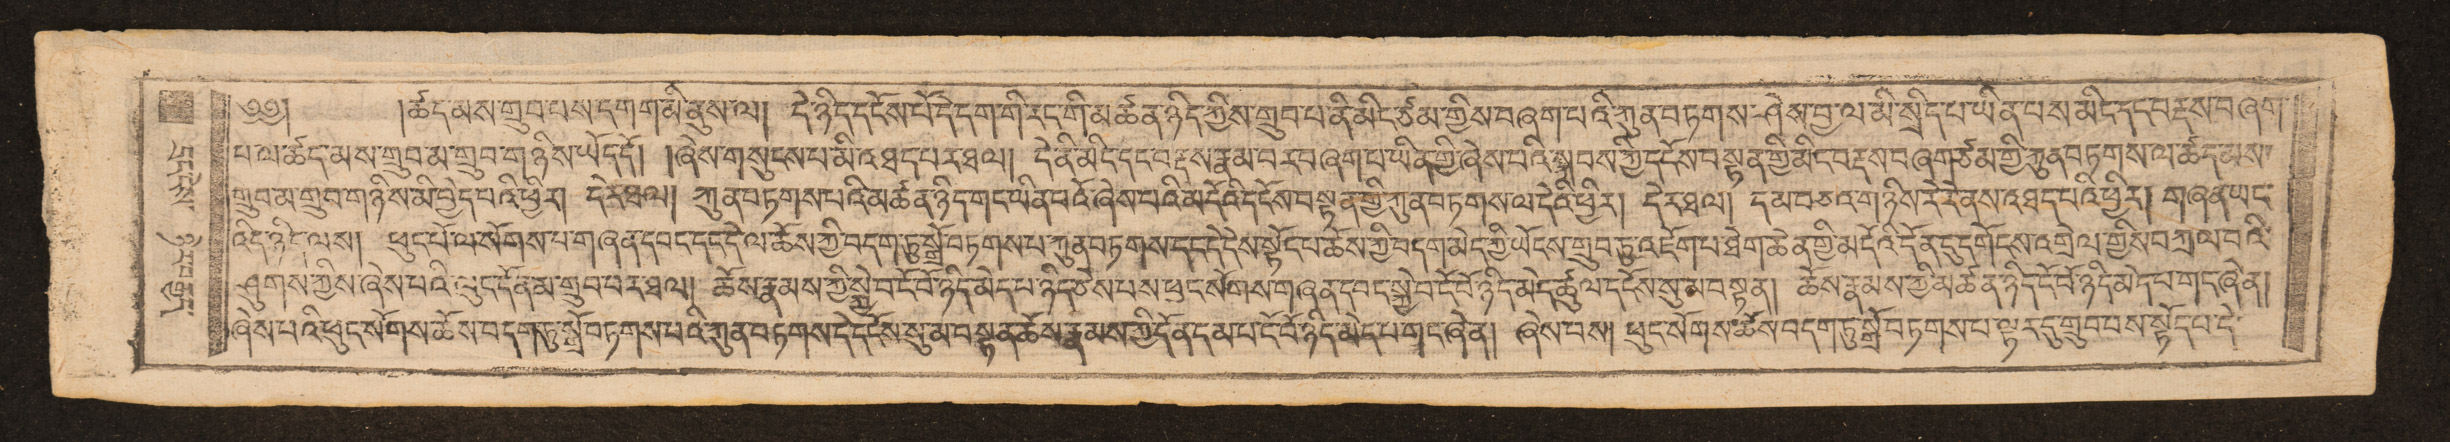༄༅། །ཚད་མས་གྲུབ་པས་དགག་མི་ནུས་ལ། དེ་ཉིད་དངོས་པོ་དེ་དག་གི་རང་གི་མཚན་ཉིད་ཀྱིས་གྲུབ་པ་ནི་མིང་ཙམ་གྱིས་བཞག་པའི་ཀུན་བཏགས་ཤེས་བྱ་ལ་མི་སྲིད་པ་ཡིན་པས་མིང་དང་བརྡས་བཞག་
པ་ལ་ཚད་མས་གྲུབ་མ་གྲུབ་གཉིས་ཡོད་དོ། །ཞེས་གསུངས་པ་མི་འཐད་པར་ཐལ། དེ་ནི་མིང་དང་བརྡས་རྣམ་པར་བཞག་པ་ཡིན་གྱི་ཞེས་པའི་སྐབས་ཀྱི་དངོས་བསྟན་གྱི་མིང་བརྡས་བཞག་ཙམ་གྱི་ཀུན་བཏགས་ལ་ཚད་མས་
གྲུབ་མ་གྲུབ་གཉིས་མི་བྱེད་པའི་ཕྱིར། དེར་ཐལ། ཀུན་བཏགས་པའི་མཚན་ཉིད་གང་ཡིན་པའོ་ཞེས་པའི་མདོའི་དངོས་བསྟན་གྱི་ཀུན་བཏགས་ལ་དེའི་ཕྱིར། དེར་ཐལ། དམ་བཅའ་གཉིས་རེ་རེ་ནས་འཐད་པའི་ཕྱིར། གཞན་ཡང་
འདི་ཉིད་ལས། ཕུང་པོ་ལ་སོགས་པ་གཞན་དབང་དང་དེ་ལ་ཆོས་ཀྱི་བདག་ཏུ་སྒྲོ་བཏགས་པ་ཀུན་བཏགས་དང་དེ་དེས་སྟོང་པ་ཆོས་ཀྱི་བདག་མེད་ཀྱི་ཡོངས་གྲུབ་ཏུ་འཇོག་པ་ཐེག་ཆེན་གྱི་མདོའི་དོན་དུ་དགོངས་འགྲེལ་གྱིས་བཀྲལ་བའི་
ཤུགས་ཀྱིས་ཞེས་པའི་ལུང་དོན་མ་གྲུབ་པར་ཐལ། ཆོས་རྣམས་ཀྱི་སྐྱེ་བ་ངོ་བོ་ཉིད་མེད་པ་ཉིད་ཅེས་པས་ཕུང་སོགས་གཞན་དབང་སྐྱེ་བ་ངོ་བོ་ཉིད་མེད་ཚུལ་དངོས་སུ་མ་བསྟན། ཆོས་རྣམས་ཀྱི་མཚན་ཉིད་ངོ་བོ་ཉིད་མེད་པ་གང་ཞེ་ན།
ཞེས་པའི་ཕུང་སོགས་ཆོས་བདག་ཏུ་སྒྲོ་བཏགས་པའི་ཀུན་བཏགས་དེ་དངོས་སུ་མ་བསྟན་ཆོས་རྣམས་ཀྱི་དོན་དམ་པ་ངོ་བོ་ཉིད་མེད་པ་གང་ཞེ་ན། ཞེས་པས། ཕུང་སོགས་ཆོས་བདག་ཏུ་སྒྲོ་བཏགས་པ་ལྟར་དུ་གྲུབ་པས་སྟོང་པ་དེ་